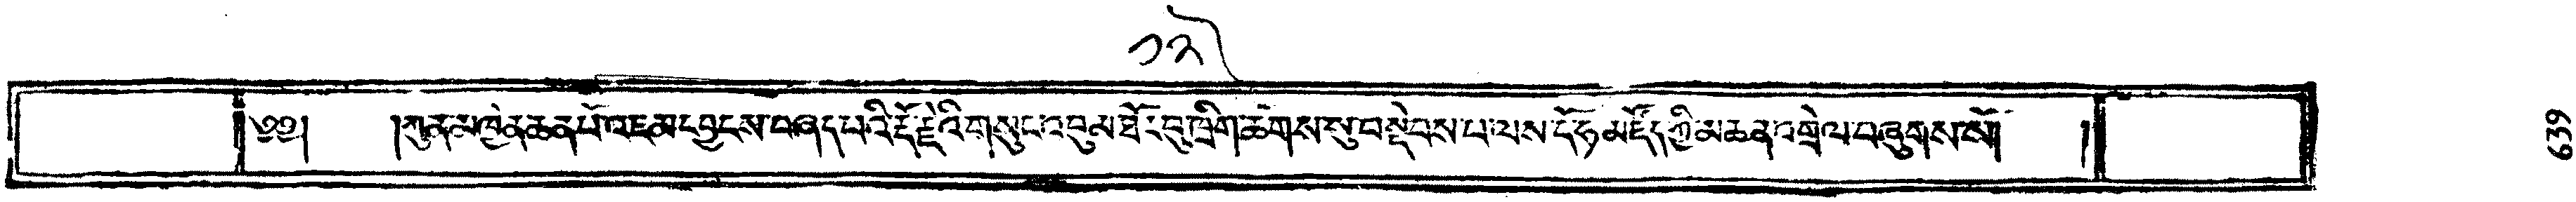༄༅། །ཀུན་མཁྱེན་ཆེན་པོ་འཇམ་དབྱངས་བཞད་པའི་རྡོ་རྗེའི་གསུང་འབུམ་ཐོར་བུ་ཁྲིག་ཆགས་སུ་བསྡེབས་པ་ལས་དོ་ཧ་མཛོད་ཀྱི་མཆན་འགྲེལ་བཞུགས་སོ། །